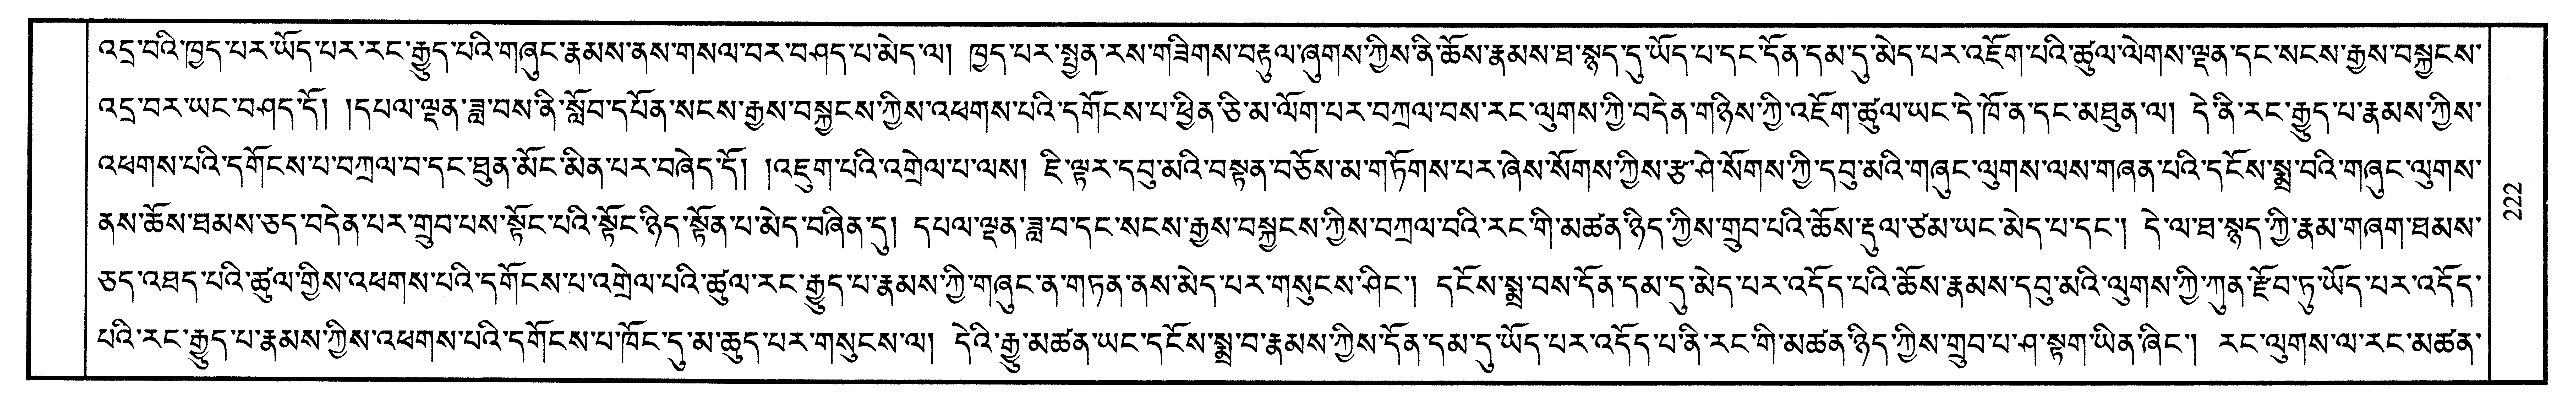འདྲ་བའི་ཁྱད་པར་ཡོད་པར་རང་རྒྱུད་པའི་གཞུང་རྣམས་ནས་གསལ་བར་བཤད་པ་མེད་ལ། ཁྱད་པར་སྤྱན་རས་གཟིགས་བརྟུལ་ཞུགས་ཀྱིས་ནི་ཆོས་རྣམས་ཐ་སྙད་དུ་ཡོད་པ་དང་དོན་དམ་དུ་མེད་པར་འཇོག་པའི་ཚུལ་ལེགས་ལྡན་དང་སངས་རྒྱས་བསྐྱངས་
འདྲ་བར་ཡང་བཤད་དོ། །དཔལ་ལྡན་ཟླ་བས་ནི་སློབ་དཔོན་སངས་རྒྱས་བསྐྱངས་ཀྱིས་འཕགས་པའི་དགོངས་པ་ཕྱིན་ཅི་མ་ལོག་པར་བཀྲལ་བས་རང་ལུགས་ཀྱི་བདེན་གཉིས་ཀྱི་འཇོག་ཚུལ་ཡང་དེ་ཁོ་ན་དང་མཐུན་ལ། དེ་ནི་རང་རྒྱུད་པ་རྣམས་ཀྱིས་
འཕགས་པའི་དགོངས་པ་བཀྲལ་བ་དང་ཐུན་མོང་མིན་པར་བཞེད་དོ། །འཇུག་པའི་འགྲེལ་པ་ལས། ཇི་ལྟར་དབུ་མའི་བསྟན་བཅོས་མ་གཏོགས་པར་ཞེས་སོགས་ཀྱིས་རྩ་ཤེ་སོགས་ཀྱི་དབུ་མའི་གཞུང་ལུགས་ལས་གཞན་པའི་དངོས་སྨྲ་བའི་གཞུང་ལུགས་
ནས་ཆོས་ཐམས་ཅད་བདེན་པར་གྲུབ་པས་སྟོང་པའི་སྟོང་ཉིད་སྟོན་པ་མེད་བཞིན་དུ། དཔལ་ལྡན་ཟླ་བ་དང་སངས་རྒྱས་བསྐྱངས་ཀྱིས་བཀྲལ་བའི་རང་གི་མཚན་ཉིད་ཀྱིས་གྲུབ་པའི་ཆོས་རྡུལ་ཙམ་ཡང་མེད་པ་དང་། དེ་ལ་ཐ་སྙད་ཀྱི་རྣམ་གཞག་ཐམས་
ཅད་འཐད་པའི་ཚུལ་གྱིས་འཕགས་པའི་དགོངས་པ་འགྲེལ་པའི་ཚུལ་རང་རྒྱུད་པ་རྣམས་ཀྱི་གཞུང་ན་གཏན་ནས་མེད་པར་གསུངས་ཤིང་། དངོས་སྨྲ་བས་དོན་དམ་དུ་མེད་པར་འདོད་པའི་ཆོས་རྣམས་དབུ་མའི་ལུགས་ཀྱི་ཀུན་རྫོབ་ཏུ་ཡོད་པར་འདོད་
པའི་རང་རྒྱུད་པ་རྣམས་ཀྱིས་འཕགས་པའི་དགོངས་པ་ཁོང་དུ་མ་ཆུད་པར་གསུངས་ལ། དེའི་རྒྱུ་མཚན་ཡང་དངོས་སྨྲ་བ་རྣམས་ཀྱིས་དོན་དམ་དུ་ཡོད་པར་འདོད་པ་ནི་རང་གི་མཚན་ཉིད་ཀྱིས་གྲུབ་པ་ཤ་སྟག་ཡིན་ཞིང་། རང་ལུགས་ལ་རང་མཚན་